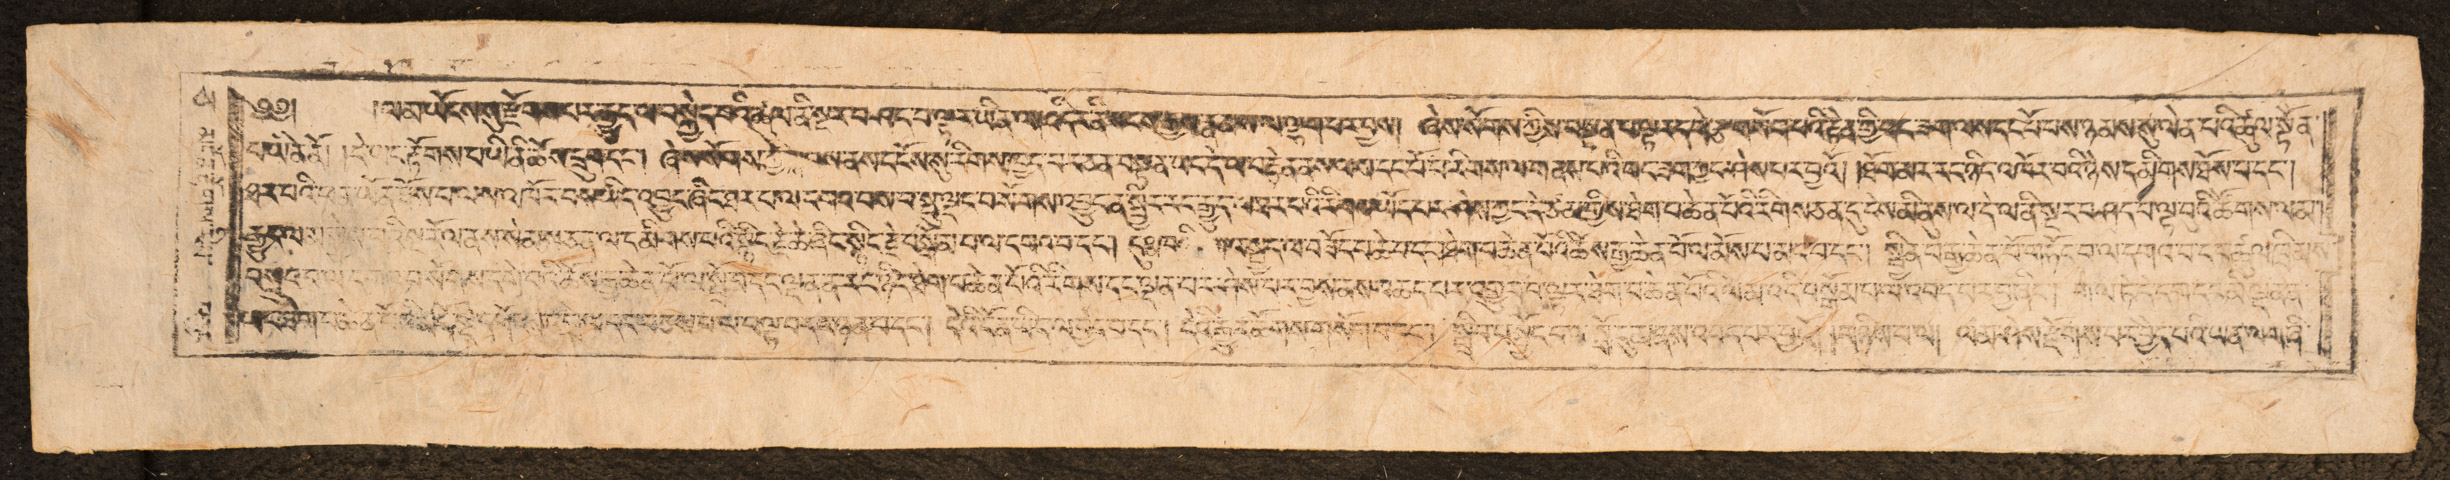༄༅། །ལམ་ཡོངས་སུ་རྫོགས་པར་རྒྱུད་ལ་བསྐྱེད་པའི་ཚུལ་ནི་སྔར་བཤད་པ་ལྟར་ཡིན་ལ། འདིར་ནི་སངས་རྒྱས་རྣམས་ལ་ལྷག་པར་བྱས། ཞེས་སོགས་ཀྱིས་བསྟན་པ་ལྟར་དགེ་རྩ་གསོག་པའི་རྟེན་གྱི་གང་ཟག་ལས་དང་པོ་པས་ཉམས་སུ་ལེན་པའི་ཚུལ་སྟོན་
པ་ཡིན་ནོ། །དེ་ཡང་རྟོགས་པ་ཡི་ནི་ཆོས་དྲུག་དང་། ཞེས་སོགས་ཀྱི་སྐབས་ནས་དངོས་སུ་རིགས་ཁྱད་པར་ཅན་བསྟན་ཡང་དེ་ལ་བརྟེན་ནས་ལས་དང་པོ་པ་རིགས་ལ་གནས་པའི་གང་ཟག་ཀྱང་ཤེས་པར་བྱའོ། །ཐོག་མར་རང་ཉིད་འཁོར་བའི་ཉེས་དམིགས་ཐོས་པ་དང་།
ཐར་པའི་ཕན་ཡོན་ཐོས་པ་ལས་འཁོར་བས་ཡིད་འབྱུང་ཞིང་ཐར་པ་ལ་དགའ་བས་བ་སྤུ་ལྡང་བ་སོགས་འབྱུང་ན་སྤྱིར་རང་རྒྱུད་ལ་ཐར་པའི་རིགས་ཡོད་པར་ཤེས་ཀྱང་དེ་ཙམ་གྱིས་ཐེག་པ་ཆེན་པོའི་རིགས་ཅན་དུ་ངེས་མི་ནུས་ལ་དེ་ལ་ནི་སྔར་བཤད་པ་ལྟ་བུའི་ཚོགས་ལམ་
རྒྱུད་ལ་མ་སྐྱེས་པའི་སྔ་རོལ་ནས་སེམས་ཅན་ལ་དམིགས་པའི་སྙིང་རྗེ་ཆེ་ཞིང་སྙིང་རྗེ་བསྒོམ་པ་ལ་དགའ་བ་དང་། དུཿ ཁའི་དཀའ་སྤྱད་ལ་བཟོད་པ་ཆེ་བ་དང་། ཐེག་པ་ཆེན་པོའི་ཆོས་རྒྱ་ཆེན་པོ་ལ་མོས་པ་མང་བ་དང་། སྦྱིན་པ་རྒྱ་ཆེན་པོ་གཏོང་བ་ལ་དགའ་བ་དང་ཚུལ་ཁྲིམས་
བསྲུང་བ་ལ་དགའ་བ་སོགས་དགེ་བའི་ཆོས་རྒྱ་ཆེན་པོ་ལ་སྤྲོ་བ་དང་ལྡན་ན་རང་ཉིད་ཐེག་པ་ཆེན་པོའི་རིགས་དང་ལྡན་པར་ཤེས་པར་བྱས་ནས་འཆད་པར་འགྱུར་བ་ལྟར་ཐེག་པ་ཆེན་པོའི་ལམ་འདི་བསྒོམ་པ་ལ་འབད་པར་བྱ་ཞིང་། གལ་ཏེ་དེ་དག་དང་མི་ལྡན་ན་
ཡང་ཐག་པ་ཆེན་པོའི་མདོ་སྡེ་དགོངས་འགྲེལ་དང་བཅས་པ་ལ་བལྟ་བ་དང་ཉན་པ་དང་། དེའི་དོན་ཡིད་ལ་བྱེད་པ་དང་། དེའི་རྒྱུར་ཚོགས་གསོག་པ་དང་། སྒྲིབ་པ་སྦྱོང་བ་ལ་སྒོ་དུ་མ་ནས་འབད་པར་བྱའོ། །གཉིས་པ་ལ། ལམ་ཤེས་རྫོགས་པར་བྱེད་པའི་ཡན་ལག་ཞི་